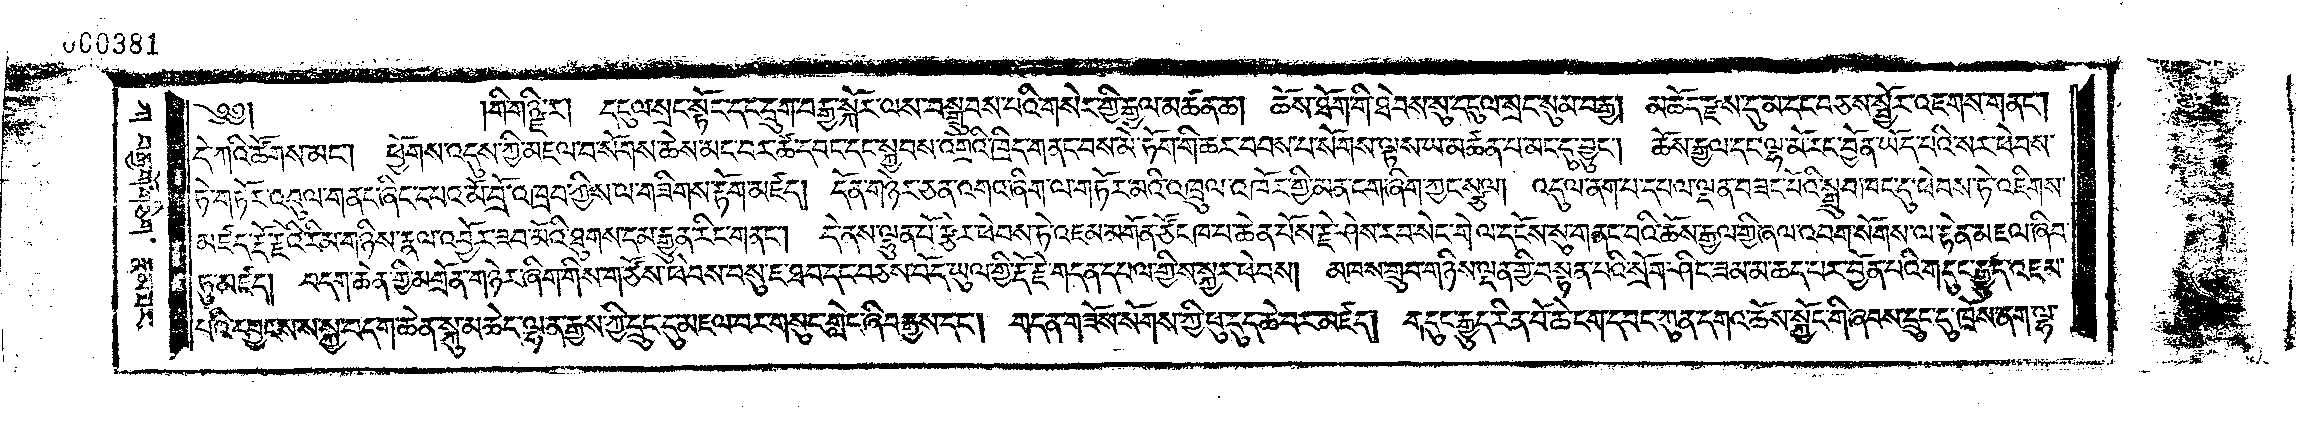༄༅། །གི་གཉྫི་ར། དངུལ་སྲང་སྟོང་དང་དྲུག་བརྒྱ་སྐོར་ལས་བསྒྲུབས་པའི་གསེར་གྱི་རྒྱལ་མཚན་ཆ། ཆོས་ཐོག་གི་ཐེབས་སུ་དངུལ་སྲང་སུམ་བརྒྱ། མཆོད་རྫས་དུ་མ་དང་བཅས་སྦྱོར་འཇགས་གནང་།
དེ་ཀའི་ཚོགས་མང་། ཕྱོགས་འདུས་ཀྱི་མཇལ་བ་སོགས་ཆེས་མང་པར་ཚེ་དབང་དང་སྐྱབས་འགྲོའི་ཁྲིད་གནང་བས་མེ་ཏོག་གི་ཆར་བབས་པ་སོགས་ལྟས་ཡ་མཚན་པ་མང་དུ་བྱུང་། ཆོས་རྒྱལ་དང་ལྷ་མོ་རང་བྱོན་ཡོད་པའི་སར་ཕེབས་
ཏེ་གཏོར་འབུལ་གནང་ཞིང་དཔའ་མེ་བྲོ་འཁྲབ་ཀྱིས་ལ་གཟིགས་རྟོག་མཛད། དོན་གཉེར་ཅན་འགའ་ཞིག་ལ་གཏོར་མའི་འཁྲུལ་འཁོར་གྱི་མན་ངག་ཞིག་ཀྱང་སྩལ། འདུལ་ནག་པ་དཔལ་ལྡན་བཟང་པོའི་སྒྲུབ་ཁང་དུ་ཕེབས་ཏེ་འཇིགས་
མཛད་རྡོ་རྗེའི་རིམ་གཉིས་རྣལ་འབྱོར་ཟབ་མོའི་ཐུགས་དམ་རྒྱུན་རིང་གནང་། དེ་ནས་ལྷུན་པོ་རྩེར་ཕེབས་ཏེ་འཇམ་མགོན་ཙོང་ཁ་པ་ཆེན་པོས་རྗེ་ཤེས་རབ་སེང་གེ་ལ་དངོས་སུ་གནང་བའི་ཆོས་རྒྱལ་གྱི་ཞལ་འབག་སོགས་ལ་རྟེན་མཇལ་ཞིབ་
ཏུ་མཛད། བདག་ཆེན་གྱི་མགྲོན་གཉེར་ཞིག་གིས་གཙོས་ཕེབས་བསུ་ཇ་ཐབ་དང་བཅས་བོད་ཡུལ་གྱི་རྡོ་རྗེ་གདན་དཔལ་གྱིས་སྐྱར་ཕེབས། མཁས་གྲུབ་གཉིས་ལྡན་གྱི་བསྟན་པའི་སྲོག་ཤིང་ཟམ་མ་ཆད་པར་བྱོན་པའི་གདུང་རྒྱུད་འཇམ་
པའི་དབྱངས་ས་སྐྱ་བདག་ཆེན་སྐུ་མཆེད་ལྷན་རྒྱས་ཀྱི་དྲུང་དུ་མཇལ་བར་གསུང་གླེང་ཞིབ་རྒྱས་དང་། གདན་གཟོས་སོགས་ཀྱི་ཕུ་དུད་ཆེ་བར་མཛད། གདུང་རྒྱུད་རིན་པོ་ཆེ་ངག་དབང་ཀུན་དགའ་ཆོས་སྐྱོང་གི་ཞབས་དྲུང་དུ་ཁྲོས་ནག་ལྷ་